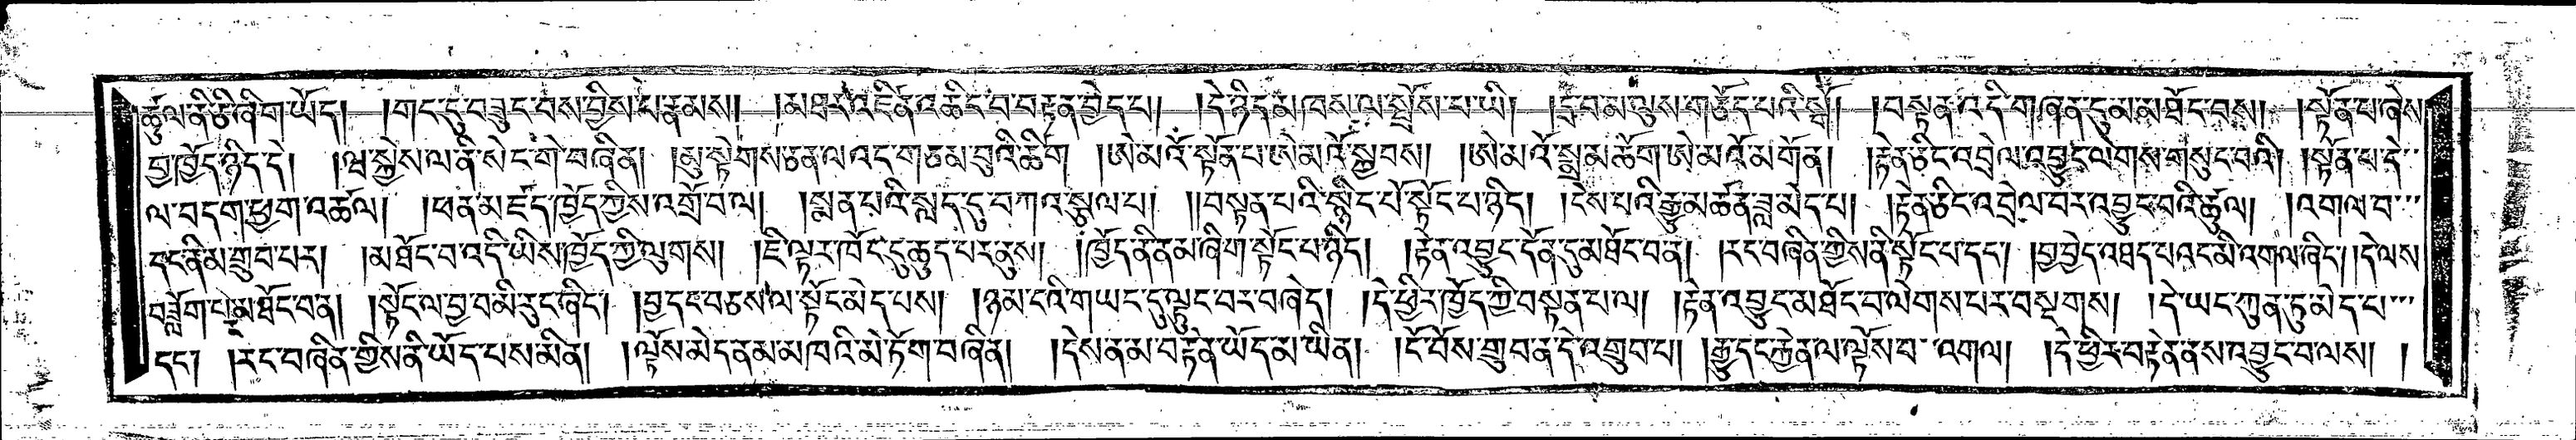ཚུལ་ནི་ཅི་ཞིག་ཡོད། །གང་དུ་བཟུང་བས་བྱིས་པ་རྣམས། །མཐར་འཛིན་འཆིང་བ་བརྟན་བྱེད་པ། །དེ་ཉིད་མཁས་ལ་སྤྲོས་པ་ཡི། །དྲ་བ་མ་ལུས་གཅོད་པའི་སྒོ། །བསྟན་འདི་གཞན་དུ་མ་མཐོང་བས། །སྟོན་པ་ཞེས་
བྱ་ཁྱོད་ཉིད་དེ། །ཝ་སྐྱེས་ལ་ནི་སེང་གེ་བཞིན། །མུ་སྟེགས་ཅན་ལའང་གཅམ་བུའི་ཚིག །ཨེ་མའོ་སྟོན་པ་ཨེ་མའོ་སྐྱབས། །ཨེ་མའོ་སྨྲ་མཆོག་ཨེ་མའོ་མགོན། །རྟེན་ཅིང་འབྲེལ་འབྱུང་ལེགས་གསུང་བའི། །སྟོན་པ་དེ་
ལ་བདག་ཕྱག་འཚལ། །ཕན་མཛད་ཁྱོད་ཀྱིས་འགྲོ་བ་ལ། །སྨན་པའི་སླད་དུ་བཀའ་སྩལ་པ། །བསྟན་པའི་སྙིང་པོ་སྟོང་པ་ཉིད། །ངེས་པའི་རྒྱུ་མཚན་ཟླ་མེད་པ། །རྟེན་ཅིང་འབྲེལ་བར་འབྱུང་བའི་ཚུལ། །འགལ་བ་
དང་ནི་མ་གྲུབ་པར། །མཐོང་བ་འདི་ཡིས་ཁྱོད་ཀྱི་ལུགས། །ཇི་ལྟར་ཁོང་དུ་ཆུད་པར་ནུས། །ཁྱོད་ནི་ནམ་ཞིག་སྟོང་པ་ཉིད། །རྟེན་འབྱུང་དོན་དུ་མཐོང་བ་ན། །རང་བཞིན་གྱིས་ནི་སྟོང་པ་དང་། །བྱ་བྱེད་འཐད་པའང་མི་འགལ་ཞིང་། །དེ་ལས་
བཟློག་པར་མཐོང་བ་ན། །སྟོང་ལ་བྱ་བ་མི་རུང་ཞིང་། །བྱ་དང་བཅས་ལ་སྟོང་མེད་པས། །ཉམ་ངའི་གཡས་དུ་ལྟུང་བར་བཞེད། །དེ་ཕྱིར་ཁྱོད་ཀྱི་བསྟན་པ་ལ། །རྟེན་འབྱུང་མཐོང་བ་ལེགས་པར་བསྔགས། །དེ་ཡང་ཀུན་ཏུ་མེད་པ་
དང་། །རང་བཞིན་གྱིས་ནི་ཡོད་པས་མིན། །ལྟོས་མེད་ནམ་མཁའི་མེ་ཏོག་བཞིན། །དེས་ན་མ་བརྟེན་ཡོད་མ་ཡིན། །ངོ་བོས་གྲུབ་ན་དེ་འགྲུབ་པ། །རྒྱུ་དང་རྐྱེན་ལ་ལྟོས་པ་འགལ། །དེ་ཕྱིར་བརྟེན་ནས་འབྱུང་བ་ལས། །